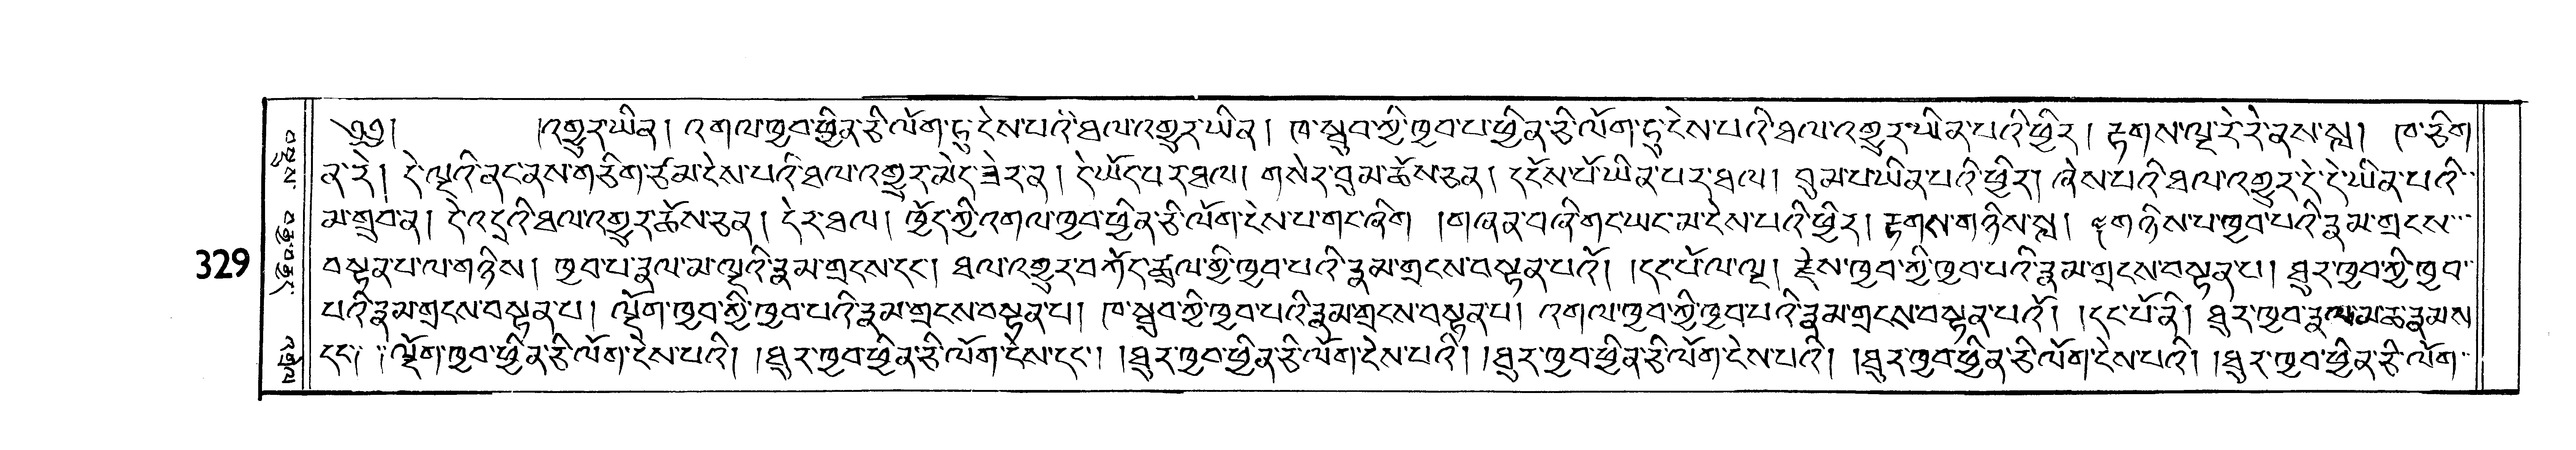༄༅། །འགྱུར་ཡིན། འགལ་ཁྱབ་ཕྱིན་ཅི་ལོག་ཏུ་ངེས་པའི་ཐལ་འགྱུར་ཡིན། ཁ་སྦུབ་ཀྱི་ཁྱབ་པ་ཕྱིན་ཅི་ལོག་ཏུ་ངེས་པའི་ཐལ་འགྱུར་ཡིན་པའི་ཕྱིར། རྟགས་ལྔ་རེ་རེ་ནས་སླ། ཁ་ཅིག་
ན་རེ། དེ་ལྔའི་ནང་ནས་གཅིག་ཙམ་ངེས་པའི་ཐལ་འགྱུར་མེད་ཟེར་ན། དེ་ཡོད་པར་ཐལ། གསེར་བུམ་ཆོས་ཅན། དངོས་པོ་ཡིན་པར་ཐལ། བུམ་པ་ཡིན་པའི་ཕྱིར། ཞེས་པའི་ཐལ་འགྱུར་དེ་དེ་ཡིན་པའི་
མ་གྲུབ་ན། དེ་འདྲའི་ཐལ་འགྱུར་ཆོས་ཅན། དེར་ཐལ། ཁྱོད་ཀྱི་འགལ་ཁྱབ་ཕྱིན་ཅི་ལོག་ངེས་པ་གང་ཞིག །གཞན་བཞི་གང་ཡང་མ་ངེས་པའི་ཕྱིར། རྟགས་གཉིས་སླ། ༈ གཉིས་པ་ཁྱབ་པའི་རྣམ་གྲངས་
བསྟན་པ་ལ་གཉིས། ཁྱབ་པ་རྣལ་མ་ལྔའི་རྣམ་གྲངས་དང་། ཐལ་འགྱུར་བཀོད་ཚུལ་གྱི་ཁྱབ་པའི་རྣམ་གྲངས་བསྟན་པའོ། །དང་པོ་ལ་ལྔ། རྗེས་ཁྱབ་ཀྱི་ཁྱབ་པའི་རྣམ་གྲངས་བསྟན་པ། ཐུར་ཁྱབ་ཀྱི་ཁྱབ་
པའི་རྣམ་གྲངས་བསྟན་པ། ལྡོག་ཁྱབ་ཀྱི་ཁྱབ་པའི་རྣམ་གྲངས་བསྟན་པ། ཁ་སྦུབ་ཀྱི་ཁྱབ་པའི་རྣམ་གྲངས་བསྟན་པ། འགལ་ཁྱབ་ཀྱི་ཁྱབ་པའི་རྣམ་གྲངས་བསྟན་པའོ། །དང་པོ་ནི། ཐུར་ཁྱབ་རྣམ་མ་ཆ་རྣམས་
དང༑ ༑ལྡོག་ཁྱབ་ཕྱིན་ཅི་ལོག་ངེས་པའི། །ཐུར་ཁྱབ་ཕྱིན་ཅི་ལོག་ངེས་དང་། །ཐུར་ཁྱབ་ཕྱིན་ཅི་ལོག་ངེས་པའི། །ཐུར་ཁྱབ་ཕྱིན་ཅི་ལོག་ངེས་པའི། །ཐུར་ཁྱབ་ཕྱིན་ཅི་ལོག་ངེས་པའི། །ཐུར་ཁྱབ་ཕྱིན་ཅི་ལོག་